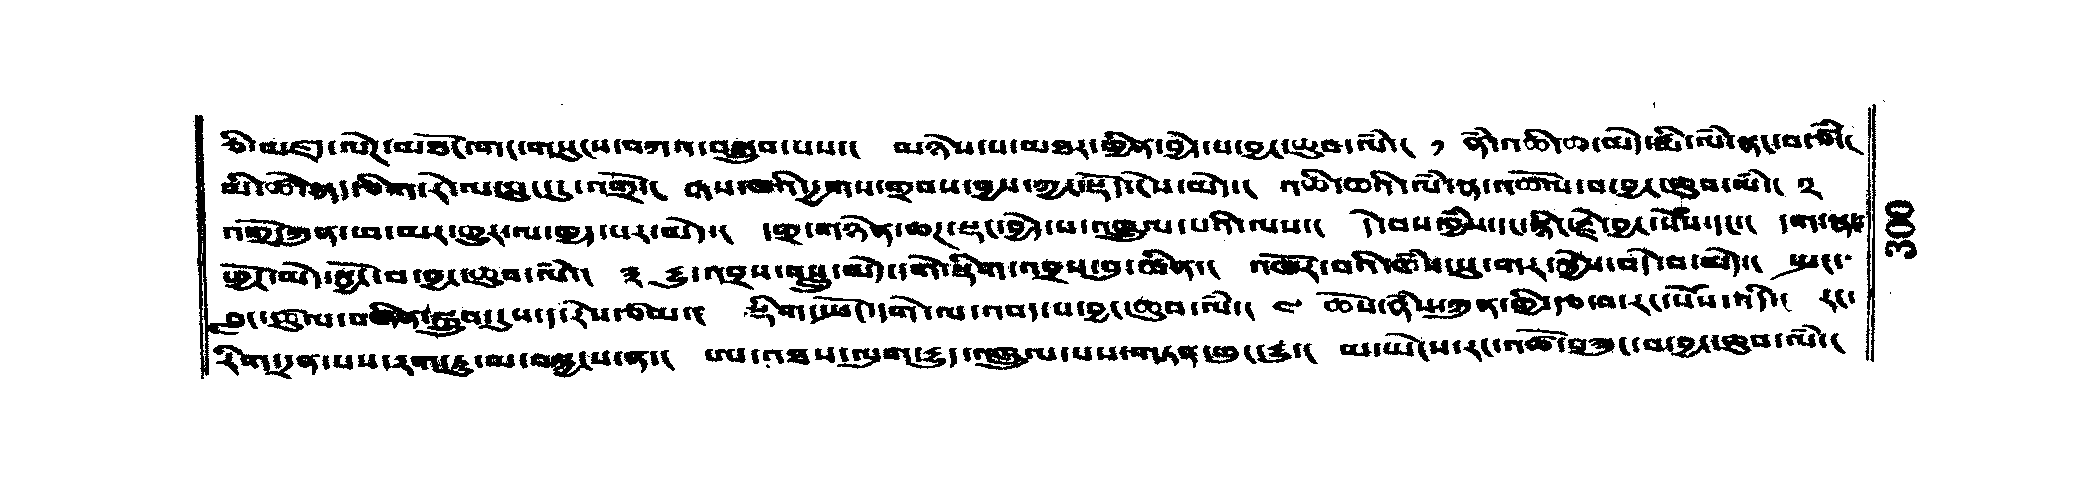།ཅི་མཛད་ལེགས་མཐོང་གང་གསུངས་བཀའ་བསྒྲུབ་པས། །མཉེས་པ་མཐར་ཕྱིན་བྱེད་པ་བྱང་ཆུབ་ལམ། ༡ །ནམ་འཆི་ཆ་མེད་རྨི་ལམ་སྣང་བ་ཙམ། །
མི་ཚེ་སྐད་ཅིག་རེ་ལ་ཐུང་དུ་འགྲོ། །རྒས་ཁའི་རྒྱགས་གྲབས་བྱས་ཀྱང་སྡོད་ངེས་མེད། །འཆི་ཁའི་ལམ་སྣ་འཚོལ་བ་བྱང་ཆུབ་ལམ། ༢ །
འགྲོ་ཀུན་ཕ་མར་གྱུར་ལ་ཁྱད་པར་མེད། །དགྲ་གཉེན་ཆགས་སྡང་བྱེད་པ་འཁྲུལ་པའི་ལས། །དེ་བས་བྱམས་དང་སྙིང་རྗེ་བྱང་སེམས་དང་། །དག་སྣ་
ཕྱོགས་མེད་སྦྱོང་བ་བྱང་ཆུབ་ལམ། ༣ །རྒྱུ་འབྲས་བསླུ་མེད་དགེ་སྡིག་འབྲས་བུ་སྨིན། །འཁོར་བའི་ཁམས་སུ་གར་སྐྱེས་བདེ་བ་མེད། །སྤང་
བླང་ཚུལ་བཞིན་སྒྲུབ་དུས་ང་རེས་ཙམ། །སྡིག་སྤོང་དགེ་ལ་འབད་པ་བྱང་ཆུབ་ལམ། ༤ །ཆོས་རྣམས་ཀུན་གྱི་རྩ་བ་རང་སེམས་འདི། །རང་
རིག་དྲན་པས་རྟག་ཏུ་མ་བསྐྱངས་ན། །ཨ་འཐས་ལུག་རྒྱུད་འཁྲུལ་པས་གཏན་ཕུང་རྒྱུ། །མ་ཡེངས་རང་འཚོ་བཟུང་བ་བྱང་ཆུབ་ལམ།